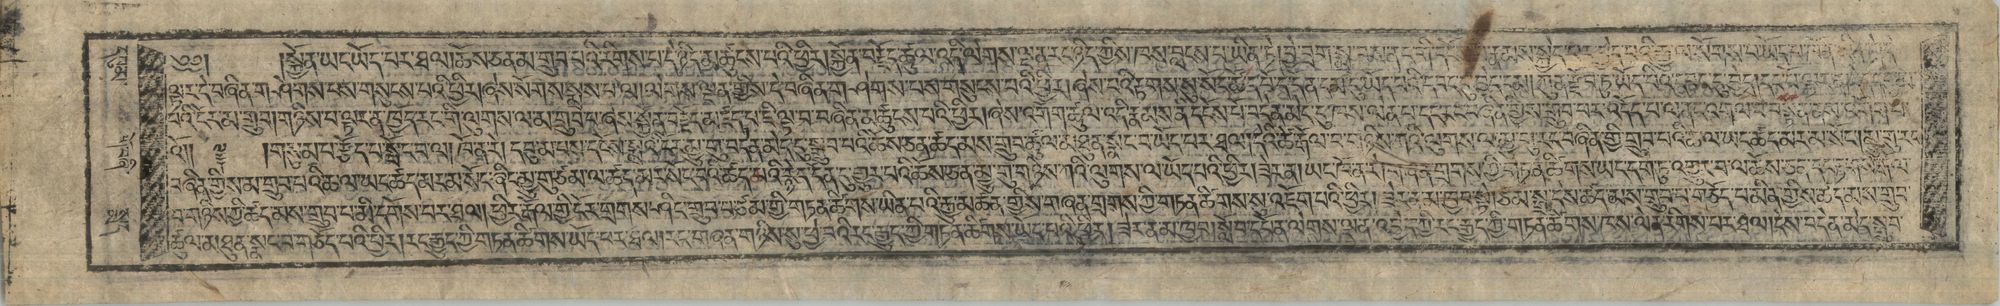༄༅། །སྐྱོན་ཡང་ཡོད་པར་ཐལ། ཆོས་ཅན་མ་གྲུབ་པའི་རིགས་པ་དེ་ཉིད་མཚུངས་པའི་ཕྱིར། སྐྱོན་བརྗོད་ཚུལ་འདི་ལེགས་ལྡན་རང་ཉིད་ཀྱིས་ཁས་བླངས་པ་ཡིན་ཏེ། བྱེ་བྲག་སྨྲ་བས་ནང་གི་དངོས་པོ་རྣམས་སྐྱེད་པར་བྱེད་པའི་རྒྱུ་ལ་སོགས་པ་ཡོད་པ་ཁོ་ན་ཡིན་ཏེ། དེ་
ལྟར་དེ་བཞིན་གཤེགས་པས་གསུངས་པའི་ཕྱིར། ཞེས་སོགས་སྨྲས་པ་ལ། ལེགས་ལྡན་གྱིས་དེ་བཞིན་གཤེགས་པས་གསུངས་པའི་ཕྱིར། ཞེས་པའི་རྟགས་སུ་སོང་ཚོད་པོ་དེ་དོན་དམ་དུ་ཡོད་པའི་དབང་དུ་བྱེད་དམ། ཀུན་རྫོབ་ཏུ་ཡོད་པའི་དབང་དུ་བྱེད། དང་པོ་ལྟར་ན། དེད་དབུ་མ་
པའི་ངོར་མ་གྲུབ། གཉིས་པ་ལྟར་ན་ཁྱོད་རང་གི་ལུགས་ལ་མ་གྲུབ་པ་ཞེས་སྐྱོན་བརྗོད་མཛད་པ་ཇི་ལྟ་བ་བཞིན་མཚུངས་པའི་ཕྱིར། ཞེས་འགོག་ཚུལ་འདི་རྣམས་ནི་དངོས་པོ་བདེན་མེད་དུ་ཁས་ལེན་པ་དང་རང་བཞིན་གྱིས་གྲུབ་པར་འདོད་པ་ལ་ནང་འགལ་བ་བསྟན་ནས་འགོག་པ་
འོ།། ༈ །གསུམ་པ་རྩོད་པ་སྤོང་བ་ལ། ཁོ་ན་རེ། དབུ་མ་པས་དངོས་སྨྲའི་ངོར་མྱུ་གུ་བདེན་མེད་དུ་སྒྲུབ་པའི་ཆོས་ཅན་ཚད་མས་གྲུབ་ཚུལ་མཐུན་སྣང་བ་ཡོད་པར་ཐལ། དེའི་ཚེ་རྒོལ་བ་གཉིས་ཀའི་ལུགས་ལ་མྱུ་གུ་རང་བཞིན་གྱི་གྲུབ་པའི་ཆ་ལ་ཡང་ཚད་མར་མ་སོང་། མྱུ་གུ་རང་
བཞིན་གྱིས་མ་གྲུབ་པའི་ཆ་ལ་ཡང་ཚད་མར་མ་སོང་ཞིང་མྱུ་གུ་ཙམ་ལ་ཚད་མར་སོང་བའི་ཚད་མའི་རྙེད་དོན་དུ་གྱུར་པའི་ཆོས་ཅན་མྱུ་གུ་གཉིས་ཀའི་ལུགས་ལ་ཡོད་པའི་ཕྱིར། ཟེར་ན། ཡང་ཁོ་ན་རེ། གཞན་གྲགས་ཀྱི་གཏན་ཚིགས་ཡང་དག་ཏུ་འགྱུར་བ་ལ་ཆོས་ཅན་དང་རྟགས་རྒོལ་
བ་གཉིས་ཀྱི་ཚད་མས་གྲུབ་པ་མི་དགོས་པར་ཐལ། ཕྱིར་རྒོལ་གྱི་ངོར་གྲགས་ཤིང་གྲུབ་པ་ཙམ་གྱི་གཏན་ཚིགས་ཡིན་པའི་རྒྱུ་མཚན་གྱིས་གཞན་གྲགས་ཀྱི་གཏན་ཚིགས་སུ་འཇོག་པའི་ཕྱིར། ཟེར་ན་མ་ཁྱབ་སྟེ། ཙམ་སྒྲ་ངེས་ཚད་མས་གྲུབ་པ་གཅོད་པ་མིན་གྱིས་ཚད་མས་གྲུབ་
ཚུལ་མཐུན་སྣང་བ་གཅོད་པའི་ཕྱིར། རང་རྒྱུད་ཀྱི་གཏན་ཚིགས་ཡོད་པར་ཐལ། རང་གཞན་གཉིས་སུ་ཕྱེ་བའི་རང་རྒྱུད་ཀྱི་གཏན་ཚིགས་ཡོད་པའི་ཕྱིར། ཟེར་ན་མ་ཁྱབ། སློབ་དཔོན་ལེགས་ལྡན་འབྱེད་ཀྱི་རང་རྒྱུད་ཀྱི་གཏན་ཚིགས་ཁས་ལེན་རིགས་པར་ཐལ། དེས་བདེན་མེད་སྒྲུབ་